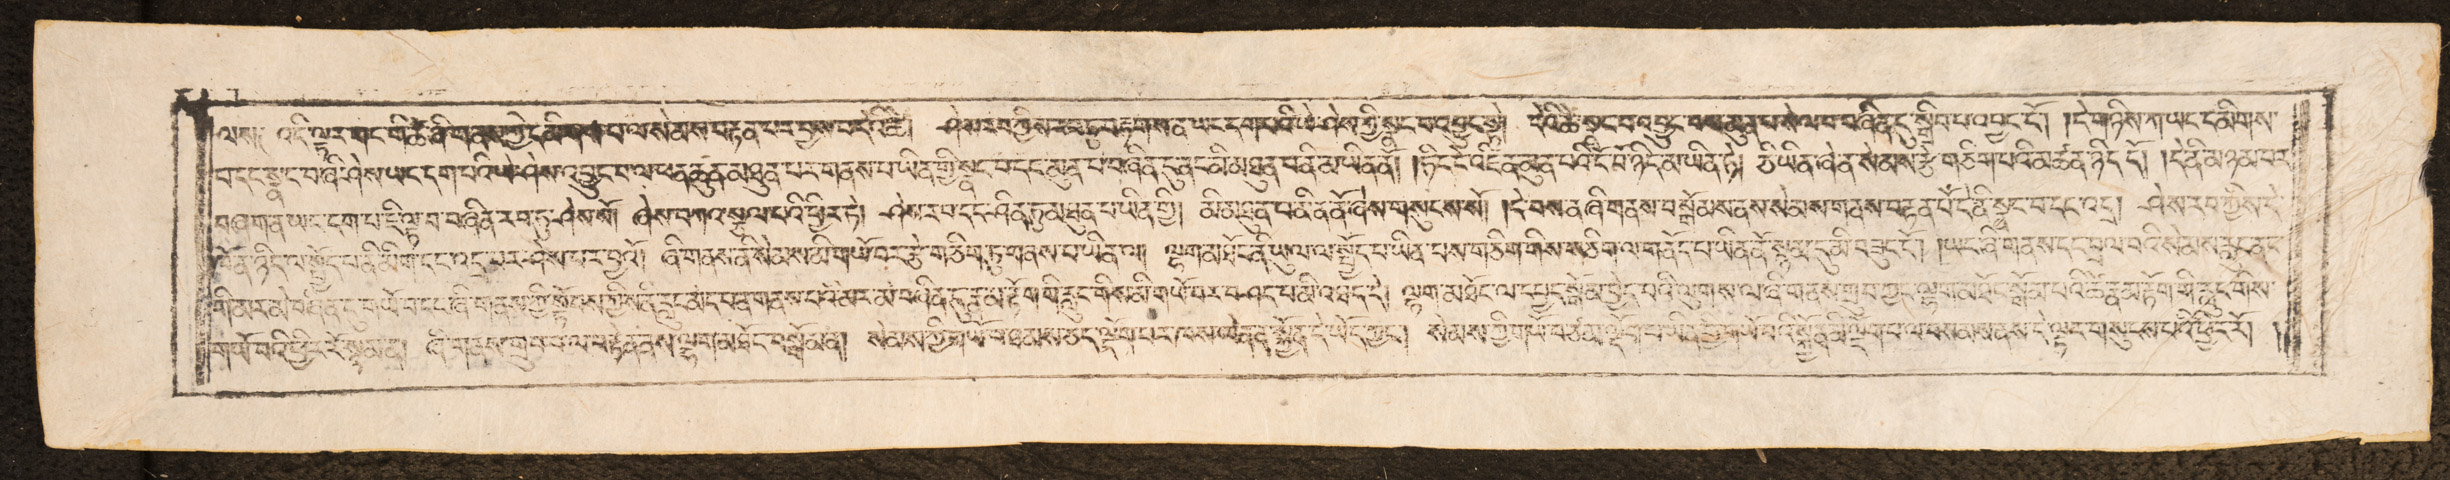ལས། འདི་ལྟར་གང་གི་ཚེ་ཞི་གནས་ཀྱི་དམིགས་པ་ལ་སེམས་བརྟན་པར་བྱས་པ་དེའི་ཚེ། ཤེས་རབ་ཀྱིས་རབ་ཏུ་བཏགས་ན་ཡང་དག་པའི་ཡེ་ཤེས་ཀྱི་སྣང་བ་འབྱུང་སྟེ། དེའི་ཚེ་སྣང་བ་འབྱུང་བས་མུན་པ་སེལ་བ་བཞིན་དུ་སྒྲིབ་པ་འབྱང་ངོ། །དེ་གཉིས་ཀ་ཡང་དམིགས་
པ་དང་སྣང་བ་ཞི་ཤེས་ཡང་དག་པའི་ཡེ་ཤེས་འབྱུང་བ་ལ་ཕན་ཚུན་མཐུན་པར་གནས་པ་ཡིན་གྱི་སྣང་བ་དང་མུན་པ་བཞིན་དུ་ནང་མི་མཐུན་པ་ནི་མ་ཡིན་ནོ། །ཏིང་ངེ་འཛིན་མུན་པའི་ངོ་བོ་ཉིད་མ་ཡིན་ཏེ། ཅི་ཡིན་ཞེ་ན་སེམས་རྩེ་གཅིག་པའི་མཚན་ཉིད་དོ། །དེ་ནི་མཉམ་པར་
བཞག་ན་ཡང་དག་པ་ཇི་ལྟ་བ་བཞིན་རབ་ཏུ་ཤེས་སོ། ཞེས་བཀའ་སྩལ་པའི་ཕྱིར་ཏེ། ཤེས་རབ་དང་ཤིན་ཏུ་མཐུན་པ་ཡིན་གྱི། མི་མཐུན་པ་མིན་ནོ་ཞེས་གསུངས་སོ། །དེ་བས་ན་ཞི་གནས་བསྒོམས་ནས་སེམས་གནས་བརྟན་པོ་དེ་ནི་སྣང་བ་དང་འདྲ། ཤེས་རབ་ཀྱིས་དེ་
ཁོ་ན་ཉིད་ལ་སྤྱོད་པ་ནི་མིག་དང་འདྲ་བར་ཤེས་པར་བྱའོ། ཞི་གནས་ནི་སེམས་མི་གཡོ་བར་རྩེ་གཅིག་ཏུ་གནས་པ་ཡིན་ལ། ལྷག་མཐོང་ནི་ཡུལ་ལ་སྤྱོད་པ་ཡིན་པས་གཅིག་གིས་གཅིག་ལ་གནོད་པ་ཡིན་ནོ་སྙམ་དུ་མི་བཟུང་ངོ། །ཡང་ཞི་གནས་དང་བྲལ་བའི་སེམས་རླུང་ནང་
གི་མར་མེ་བཞིན་དུ་གཡོ་བ་དང་ཞི་གནས་ཀྱི་སྟོབས་ཀྱིས་ནི་རླུང་མེད་པ་ན་གནས་པའི་མར་མེ་བཞིན་དུ་རྣམ་རྟོག་གི་རླུང་གིས་མི་གཡོ་བར་བཤད་པ་མི་འཐད་དེ། ལྷག་མཐོང་ལ་དཔྱད་སྒོམ་བྱེད་པའི་ལུགས་ལ་ཞི་གནས་གྲུབ་ཀྱང་ལྷག་མཐོང་སྒོམ་པའི་ཚེ་རྣམ་རྟོག་གི་རླུང་གིས་
གཡོ་བའི་ཕྱིར་རོ་སྙམ་ན། ཞི་གནས་གྲུབ་པ་ལ་བརྟེན་ནས་ལྷག་མཐོང་བསྒོམ་ན། སེམས་ཀྱི་གཡོ་བ་ཐམས་ཅད་ལྡོག་པར་ཁས་ལེན་ན་སྐྱོན་དེ་ཡོད་ཀྱང་། སེམས་ཀྱི་གཡོ་བ་ཙམ་ལྡོག་པ་ཡིན་གྱི་གཡོ་བའི་སྐྱོན་མི་ལྡོག་པ་ལ་བསམས་ནས་དེ་ལྟར་གསུངས་པའི་ཕྱིར་རོ། །